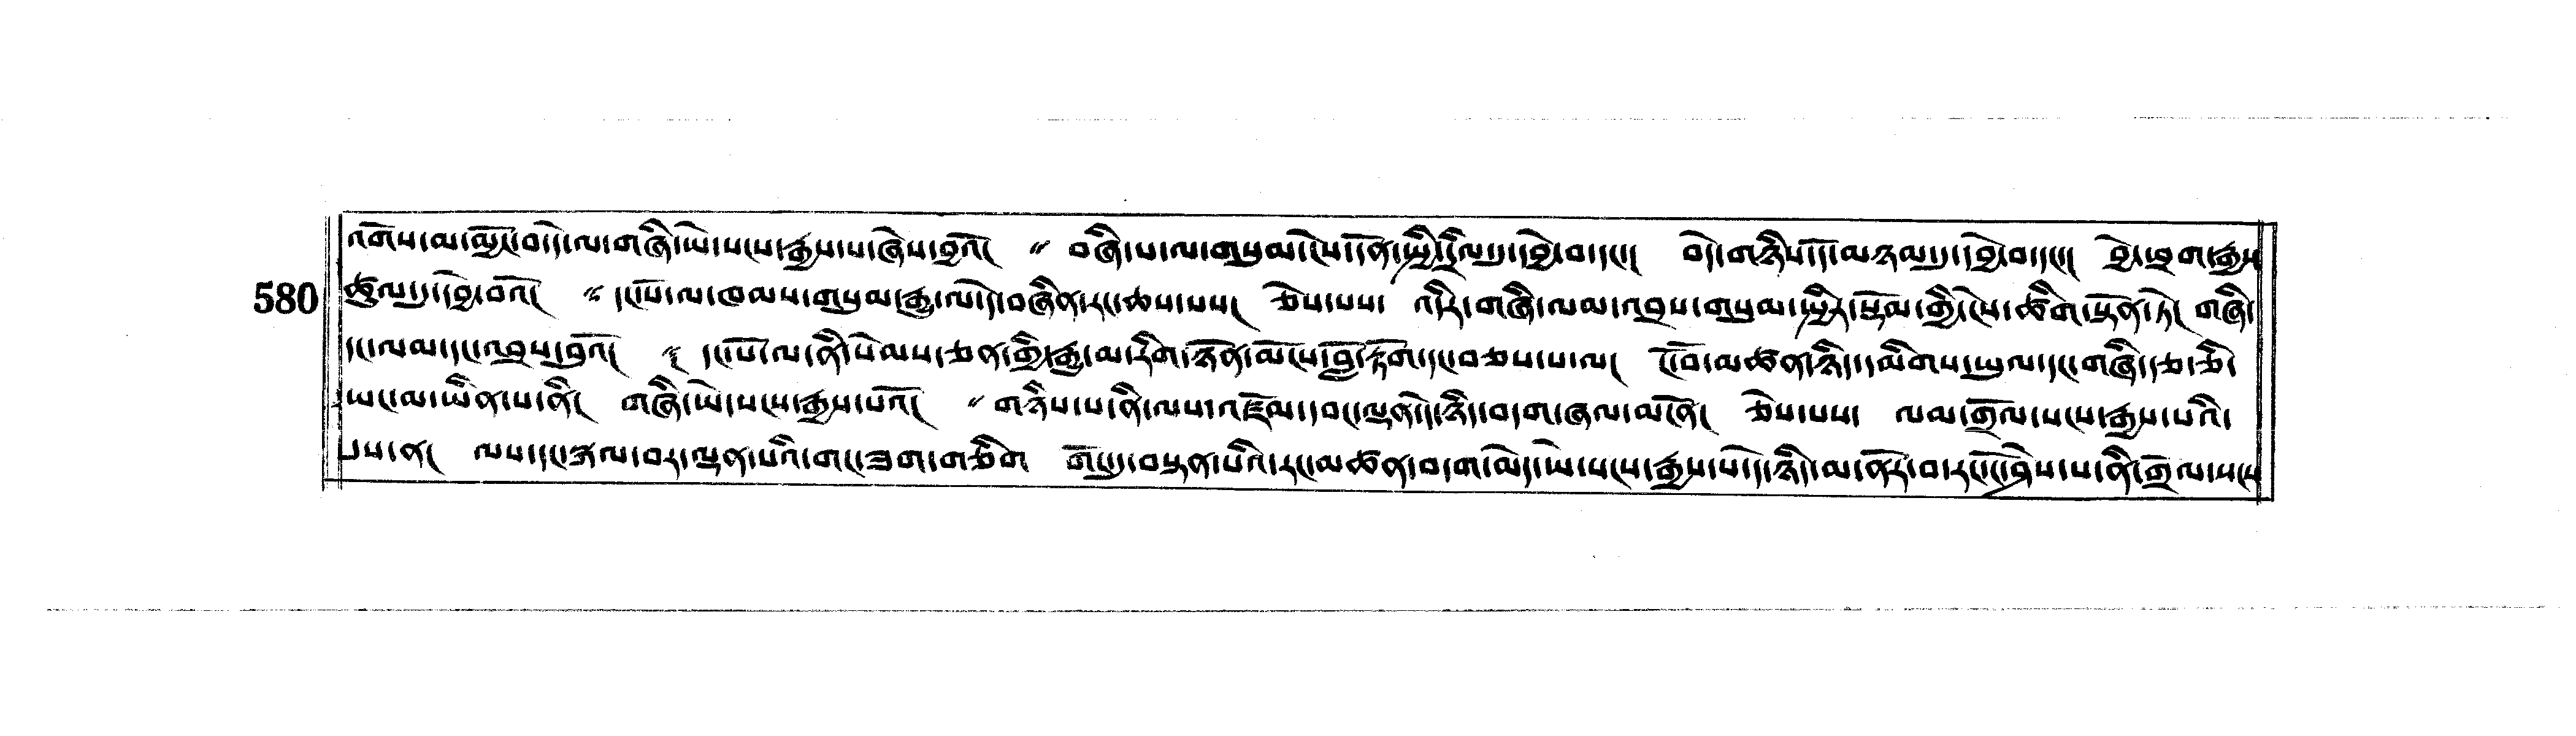འགོས་མ་མྱོང་བ་དེ་ལ་གཞི་ཡེ་སངས་རྒྱས་པ་ཞེས་བྱའོ། ༧ བཞི་པ་ལ་གསུམ། ངེས་དོན་སྤྱི་དྲིལ་དུ་དབྱེ་བ་དང་། བདེན་གཉིས་དོ་མཉམ་དུ་དབྱེ་བ་དང་། བྱེ་བྲག་རྒྱས་
ཚུལ་དུ་དབྱེ་བའོ། ༧ དང་པོ་ལ་ཁམས་གསུམ་རྒྱུ་ལ་དེ་བཞིན་རང་ཆས་པས། ཅེས་པས། འདིར་གཞི་ལམ་འབྲས་གསུམ་སྤྱིར་སྡོམ་གྱི་ངེས་ཚིག་སྟོན་ཏེ། གཞི་
དང་ལམ་དང་འབྲས་བུའོ། ༧ དང་པོ་ལ་ནི། སེམས་ཅན་གྱི་རྒྱུ་མ་རིག་ཉོན་མོངས་བློ་རྟོག་དང་བཅས་པ་ལ། ངོ་བོ་མཚན་ཉིད་དམིགས་ཡུལ་དང་གཞི་རྩ་ཅི་
ཡང་མ་ཡིན་པ་ནི། གཞི་ཡེ་སངས་རྒྱས་པའོ། ༧ གཉིས་པ་ནི་ལས་འཛོམ་དབང་ལྡན་དེ་ཉིད་བདག་ཞལ་མངོན། ཅེས་པས། ལམ་གྲོལ་སངས་རྒྱས་པའི་
དུས་ན། ལས་དང་སྐལ་པ་ལྡན་པའི་གང་ཟག་གཅིག གོང་དུ་བསྟན་པའི་རང་མཚན་བདག་མེད་ཡེ་སངས་རྒྱས་པ་དེ་ཉིད་མ་ནོར་བར་རང་ངོ་ཤེས་པ་དེ་ནི་གྲོལ་སངས་